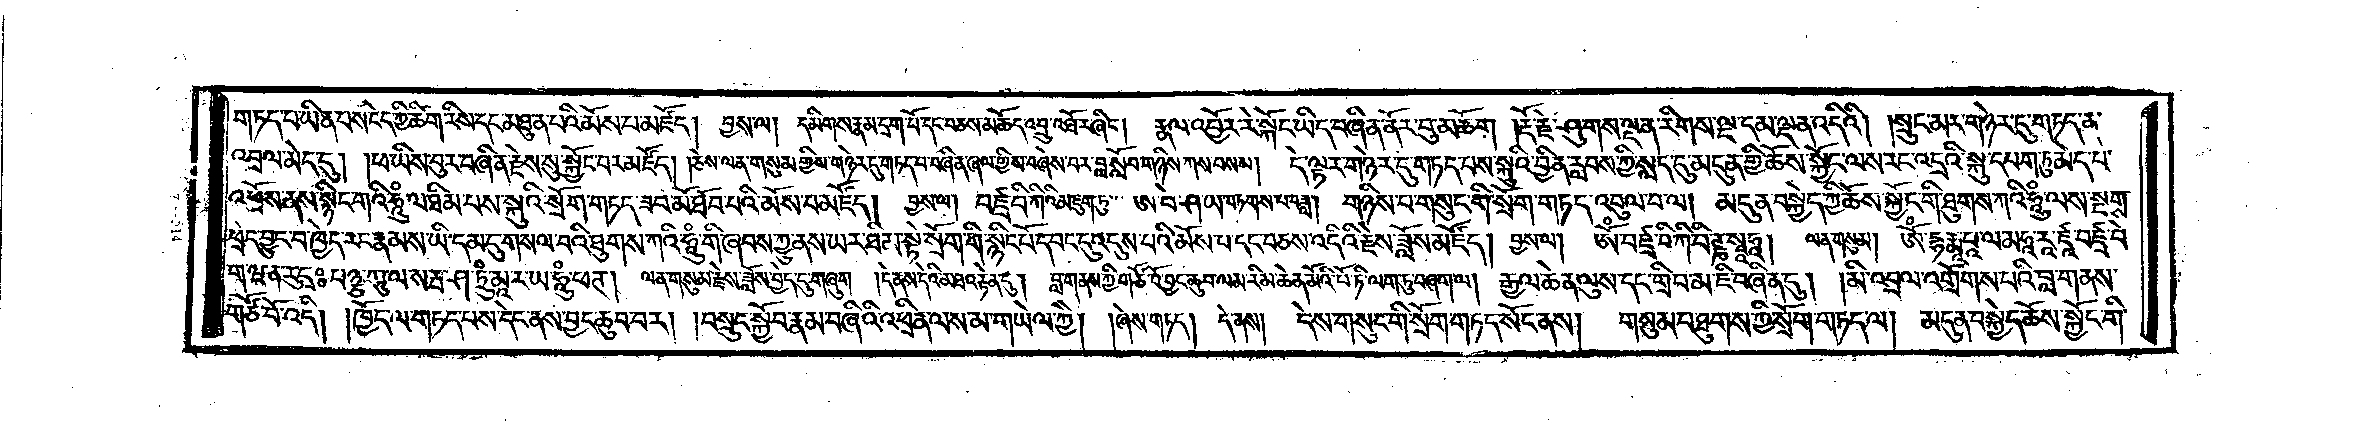གཏད་བ་ཡིན་པས་ངེད་ཀྱི་ཚིག་རིས་དང་མཐུན་པའི་མོས་པ་མཛོད། བྱས་ལ། དམིགས་རྣམ་དྲག་པོ་དང་བཅས་མཆོད་འབྲུ་འཐོར་ཞིང་།  རྣལ་འབྱོར་རེ་སྐོང་ཡིད་བཞིན་ནོར་བུ་མཆོག །རྡོ་རྗེ་ཤུགས་ལྡན་རིགས་ལྔ་དམ་ལྡན་འདིའི། །སྲུང་མར་གཉེར་དུ་གཏད་ན་
འབྲལ་མེད་དུ། །ཕ་ཡིས་བུར་བཞིན་རྗེས་སུ་སྐྱོང་བར་མཛོད། །ཅེས་ལན་གསུམ་གྱིས་གཉེར་དུ་གཏད་བ་བཞིན་ཞལ་གྱིས་བཞེས་པར་བླ་སློབ་གཉིས་ཀས་བསམ།  དེ་ལྟར་གཉེར་དུ་གཏད་བས་སྐུའི་བྱིན་རླབས་ཀྱི་སླད་དུ་མདུན་གྱི་ཆོས་སྐྱོང་ལས་རང་འདྲའི་སྐུ་དཔག་ཏུ་མེད་པ་
འཕྲོས་ནས་སྙིང་གའི་ཧཱུཾ་ལ་ཐིམ་པས་སྐུའི་སྲོག་གཏད་ཟབ་མོ་ཐོབ་པའི་མོས་བ་མཛོད། བྱས་ལ། བཛྲ་བི་ཀིའི་མཇུག་ཏུ་ཨ་བེ་ཤ་ཡ་བཏགས་པ་བཟླ།  གཉིས་པ་གསུང་གི་སྲོག་གཏད་འབུལ་བ་ལ། མདུན་བསྐྱེད་ཀྱི་ཆོས་སྐྱོང་གི་ཐུགས་ཀའི་ཧཱུཾ་ལས་སྔགས་
ཕྲེང་བྱུང་བ་ཁྱེད་རང་རྣམས་ཡི་དམ་དུ་གསལ་བའི་ཐུགས་ཀའི་ཧཱུཾ་གི་ཞབས་ཀྱུ་ནས་ཡར་ཐིམ་སྟེ་སྲོག་གི་སྙིང་པོ་དབང་དུ་འདུས་པའི་མོས་པ་དང་བཅས་འདིའི་རྗེས་ཟློས་མཛོད། བྱས་ལ།  ཨོཾ་བཛྲ་བི་ཀྱི་བི་ཊྞ་སྭཱཧཱ། ལན་གསུམ། ཨོཾ་དྷརྨཱ་པཱ་ལ་མཧཱ་རཱ་ཛཱ་བཛྲ་བེ་
ག་ཝ་ན་རུ་དྭཿཔཉྩ་ཀུ་ལ་སརྦ་ཤ་ཏྲུཾ་མཱར་ཡ་ཧཱུཾ་ཕཌ། ལན་གསུམ་རྗེས་ཟློས་བྱེད་དུ་གཞུག །དེ་ནས་དེའི་མཐའ་རྟེན་དུ། བླ་གནས་ཀྱི་གཙོ་བོ་བྱང་ཆུབ་ལམ་རིམ་ཆེན་མོའི་པོ་ཏི་ལག་ཏུ་བཞག་ལ།  རྒྱལ་ཆེན་ལུས་དང་གྲིབ་མ་ཇི་བཞིན་དུ། །མི་འབྲལ་འགྲོགས་པའི་བླ་གནས་
གཙོ་བོ་འདི། །ཁྱོད་ལ་གཏད་པས་དེང་ནས་བྱང་ཆུབ་བར། །བསྲུང་སྐྱོབ་རྣམ་བཞིའི་འཕྲིན་ལས་མ་གཡེལ་ཀྱཻ། །ཞེས་གཏད། དེ་ནས།  དེས་གསུང་གི་སྲོག་གཏད་སོང་ནས། གསུམ་པ་ཐུགས་ཀྱི་སྲོག་གཏད་ལ། མདུན་བསྐྱེད་ཆོས་སྐྱོང་གི་